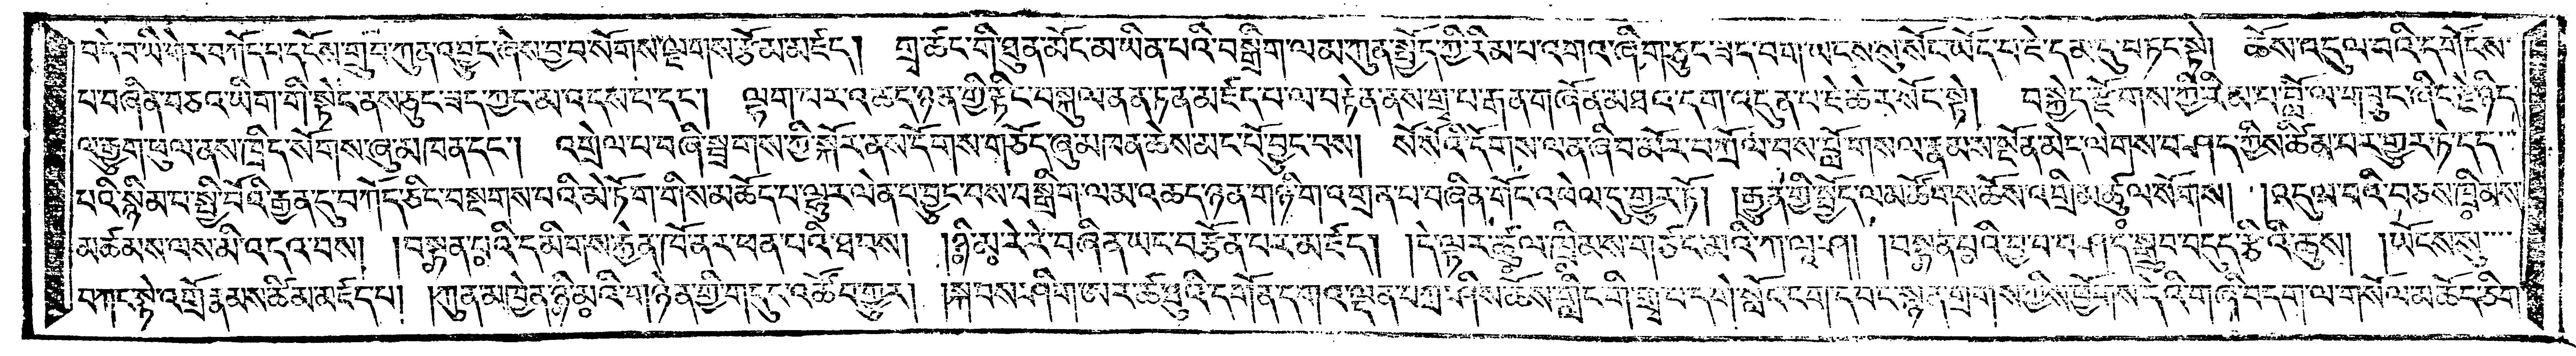བདེ་བ་ཡི་གེར་བཀོད་པ་དངོས་གྲུབ་ཀུན་འབྱུང་ཞེས་བྱ་བ་སོགས་ལྗགས་རྩོམ་མཛད། གྲྭ་ཚང་གི་ཐུན་མོང་མ་ཡིན་པའི་བསྒྲིག་ལམ་ཀུན་སྤྱོད་ཀྱི་རིམ་པ་འགའ་ཞིག་ཅུང་ཟད་བག་ཡངས་སུ་སོང་ཡོད་པ་ཇེ་དམ་དུ་བཏང་སྟེ། ཆོས་འདུལ་བའི་དགོངས་
པ་བཞིན་བཅའ་ཡིག་གི་སྟེང་ནས་ཅུང་ཟད་ཀྱང་མ་འདས་པ་དང་། ལྷག་པར་འཆད་ཉན་གྱི་རྟིང་བསྐུལ་ནན་ཏན་མཛད་པ་ལ་བརྟེན་ནས་གྲྭ་བ་རྒན་གཞོན་མཐའ་དག་འདུན་པ་ཇེ་ཆེར་སོང་སྟེ། བསྐྱེད་རྫོགས་ཀྱི་རིམ་པ་བློ་ལ་གཟུང་ཞིང་རྗེ་ཉིར་
ལ་རྒྱུག་ཕུལ་ནས་ཁྲིད་སོགས་ཞུ་མཁན་དང་། འགྲེལ་པ་བཞི་སྦྲགས་ཀྱི་སྐོར་ནས་དོགས་གཅོད་ཞུ་མཁན་ཆེས་མང་པོ་བྱུང་བས། སོ་སོའི་དོགས་ལན་ཞིབ་མོར་བཀྲོལ་བས་བློ་གསལ་རྣམས་སྔོན་མེད་ལེགས་བཤད་ཀྱིས་ཚིམ་པར་གྱུར་ཏེ་དད་
པའི་སྙིམ་པ་སྤྱི་བོའི་རྒྱན་དུ་བཀོད་ཅིང་བསྔགས་པའི་མེ་ཏོག་གིས་མཆོད་པ་ལྷུར་ལེན་བ་བྱུང་བས་བསྒྲིག་ལམ་འཆད་ཉན་གཉི་ག་འགྲན་པ་བཞིན་གོང་འཕེལ་དུ་གྱུར་ཏོ། །རྒྱུན་གྱི་སྤྱོད་ལམ་ཚོགས་ཆོས་འགྲིམ་ཚུལ་སོགས། །འདུལ་བའི་བཅས་ཁྲིམས྾་
མཚམས་ལས་མི་འདའ་བས། །བསྟན྾་པའི྾་དམིགས་རྐྱེན་ཁོ་ནར་ཕན་པའི་ཐབས། །ཉི྾་མ྾་རེ་རེ་བཞིན་ཡང་བརྩོན་པར་མཛད། །དེ་ལྟར་ཚུལ་ཁྲིམས་གཙང་མའི་ཀ་ལཱ་ཤ། །བསྟན྾་བའི་བྱ་བ་བཤད་སྒྲུབ་བདུད་རྩིའི་ཆུས། །ཡོངས་སུ་
བཀང་སྟེ་འགྲོ་རྣམས་ཚིམ་མཛད་པ། །ཀུན་མཁྱེན་ཉི་མའི྾་གཉེན་གྱི་གདུང་འཚོབ་གྱུར། །སྐབས་ཤིག་ཨར་ཚ་ཐུའི་དགོན་དགའ་ལྡན་བཀྲ་ཤིས་ཆོས་གླིང་གི་གྲྭ་པ་དགེ་སློང་ངག་དབང་སྙན་གྲགས་ཀྱིས་ཕྱོགས་དེའི་གཞི་བདག་ལ་གསོལ་མཆོད་ཅིག་